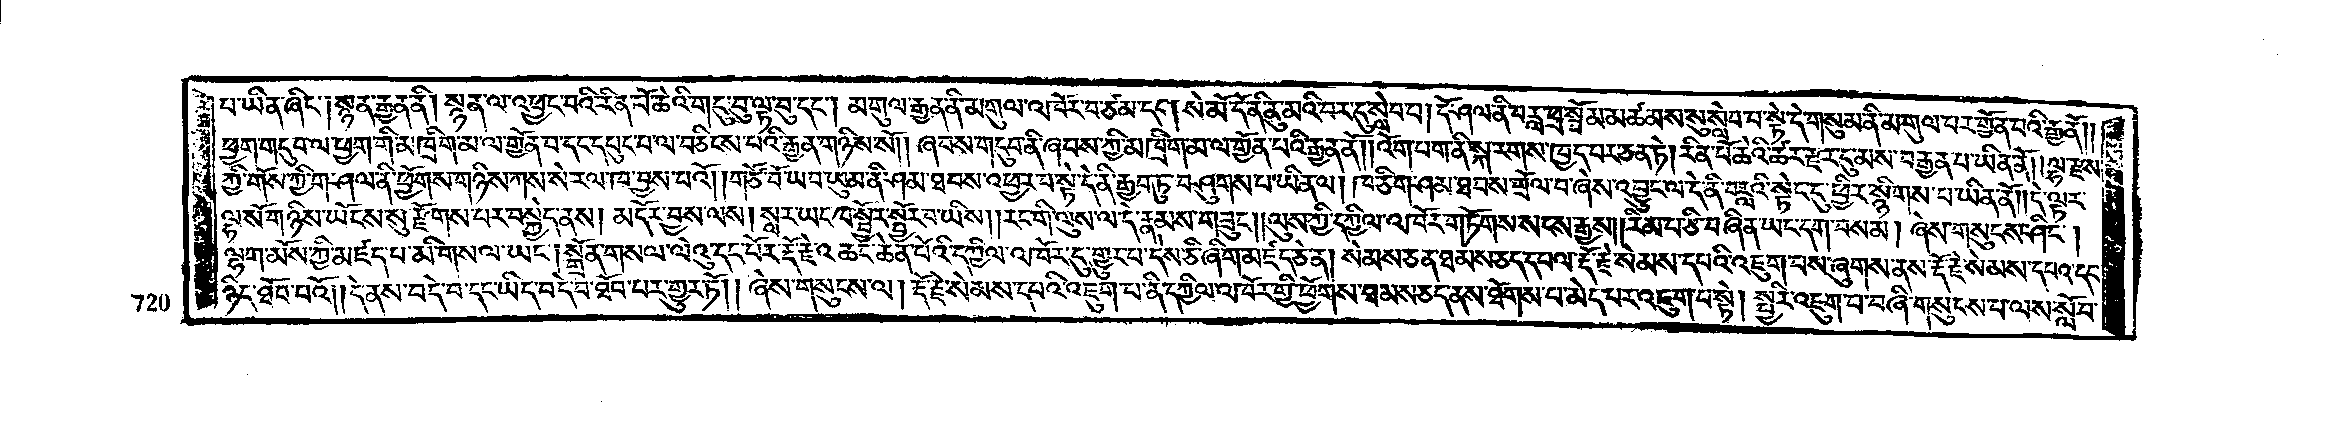པ་ཡིན་ཞིང་། སྙན་རྒྱན་ནི། སྙན་ལ་འཕྱང་བའི་རིན་པོ་ཆེའི་གང་དུ་བུ་ལྟ་བུ་དང་། མགུལ་རྒྱན་ནི་མགུལ་འཁོར་བ་ཙམ་དང་། སེ་མོ་དོ་ནི་ནུ་མའི་བར་དུ་སླེབ་པ། དོ་ཤལ་ནི་བརླ་ཕྲ་སྦོམ་མཚམས་སུ་སླེབ་པ་སྟེ་དེ་གསུམ་ནི་མགུལ་བར་གྱེན་པའི་རྒྱ་ནོ། །
ཕྱག་གདུབ་ལ་ཕྱག་གི་མཁྲིག་མ་ལ་གྱོན་པ་དང་དཔུང་བ་ལ་བཅིངས་པའི་རྒྱན་གཉིས་སོ། །ཞབས་གདུབ་ནི་ཞབས་ཀྱི་མཁྲིག་མ་ལ་གྱོན་པའི་རྒྱན་ནོ། །འོག་པག་ནི་སྐ་རགས་ཁྱད་པར་ཅན་ཏེ། རིན་པོ་ཆེའི་ཚར་རྫར་དུ་མས་བརྒྱན་པ་ཡིན་ནོ། །ལྷ་རྫས་
ཀྱི་གོས་ཀྱི་ག་ཤལ་ནི་ཕྱོགས་གཉིས་ཀས་སེ་རལ་ཁ་བྱས་པའོ། །གཙོ་བོ་ཡབ་ཡུམ་ནི་ཤམ་ཐབས་འཕྱར་བ་སྟེ་དེ་ནི་རྒྱབ་ཏུ་བཤུགས་པ་ཡིན་ལ། ཁ་ཅིག་ཤམ་ཐབས་གྲོལ་པ་ཞེས་འབྱུང་ལ་དེ་ནི་བརླའི་སྟེང་དུ་ཕྱིར་སྙིགས་པ་ཡིན་ནོ། །དེ་ལྟར་
ལྷ་སོ་གཉིས་ཡོངས་སུ་རྫོགས་པར་བསྐྱེད་ནས། མདོར་བྱས་ལས། སླར་ཡང་ཁ་སྦྱོར་སྦྱོར་བ་ཡིས། །རང་གི་ལུས་ལ་དེ་རྣམས་གཟུང་། །ལུས་ཀྱི་དཀྱིལ་འཁོར་གཏོགས་སངས་རྒྱས། །རིམ་པ་ཅི་བཞིན་ཡང་དག་བསམ། ཞེས་གསུངས་ཤིང་།
ལྷག་མོས་ཀྱི་མཛད་པ་མི་གསལ་ཡང་། སྒྲོན་གསལ་ལེའུ་དང་པོར་རྡོ་རྗེ་འཆང་ཆེན་པོའི་དཀྱིལ་འཁོར་དུ་གྱུར་པ་དེས་ཅི་ཞིག་མཛད་ཅེ་ན། སེམས་ཅན་ཐམས་ཅད་དཔལ་རྡོ་རྗེ་སེམས་དཔའི་འཇུག་པས་ཞུགས་ནས་རྡོ་རྗེ་སེམས་དཔའ་དང་
ཉིད་ཐོབ་པའོ། །དེ་ནས་བདེ་བ་དང་ཡིད་བདེ་བ་ཐོབ་པར་གྱུར་ཏོ། །ཞེས་གསུངས་ལ། རྡོ་རྗེ་སེམས་དཔའི་འཇུག་པ་ནི་དཀྱིལ་འཁོར་གྱི་ཕྱོགས་ཐམས་ཅད་ནས་ཐོགས་པ་མེད་པར་འཇུག་པ་སྟེ། སྤྱིར་འཇུག་པ་བཞི་གསུངས་པ་ལས་སློབ་